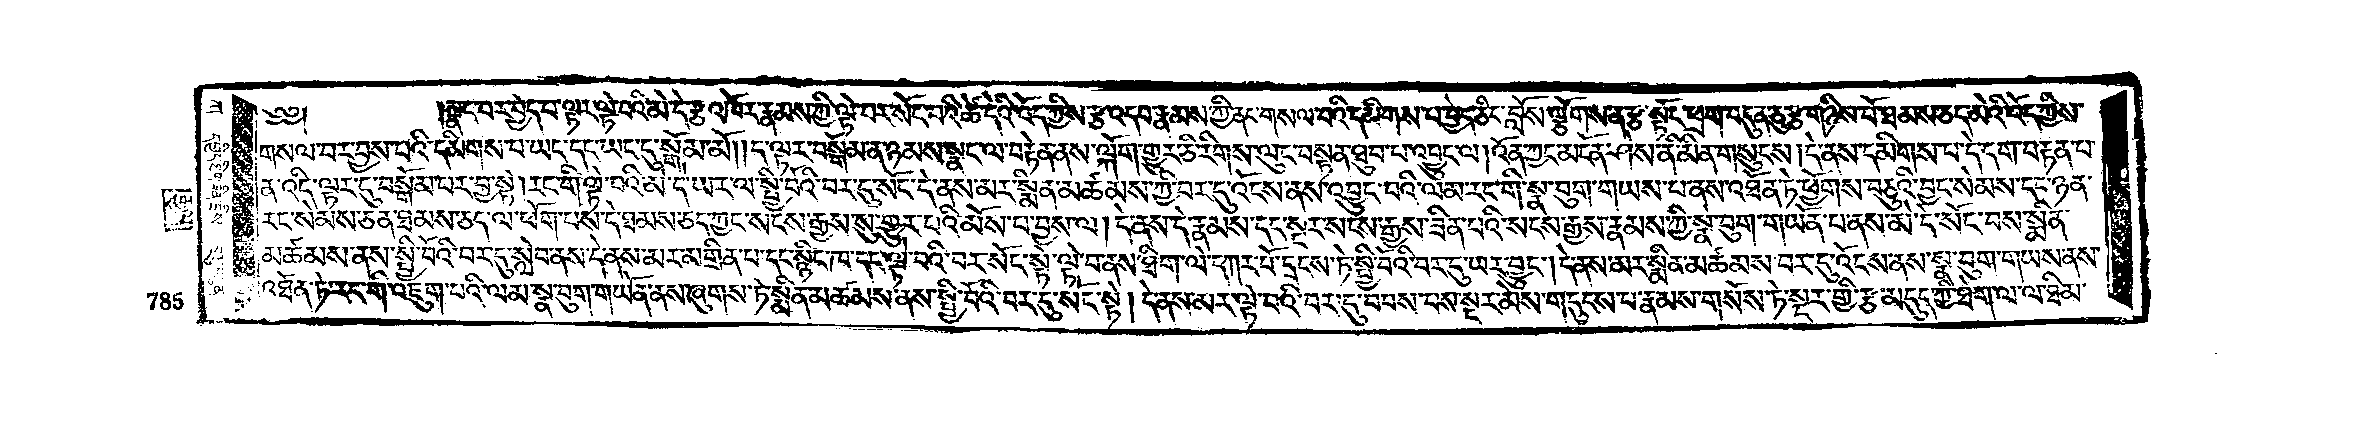༄༅། །སྣང་བར་བྱེད་པ་ལྟར་ལྟེ་བའི་མེ་དེ་རྩ་འཁོར་རྣམས་ཀྱི་ལྟེ་བར་སོང་བའི་ཚེ་དེའི་འོད་ཀྱིས་རྩ་འདབ་རྣམས་ཀྱི་ནང་གསལ་བའི་དམིགས་པ་བྱེད་ཅིང་བློས་ལྕོགས་ན་རྩ་སྟོང་ཕྲག་བདུན་ཅུ་རྩ་གཉིས་པོ་ཐམས་ཅད་མེའི་འོད་ཀྱིས་
གསལ་བར་བྱས་པའི་དམིགས་པ་ཡང་དང་ཡང་དུ་སྒོམ་མོ། །ད་ལྟར་བསྒོམ་ན་ཉམས་སྣང་ལ་བརྟེན་ནས་ལྐོག་གྱུར་ཅི་རིགས་ལུང་བསྟན་ཐུབ་པ་འབྱུང་ལ། འོན་ཀྱང་མངོན་ཤེས་ནི་མིན་གསུངས། དེ་ནས་དམིགས་པ་དེ་དག་བརྟན་པ་
ན་འདི་ལྟར་དུ་བསྒོམ་པར་བྱ་སྟེ། རང་གི་ལྟེ་བའི་མེ་དེ་ཡར་ལ་སྤྱི་བོའི་བར་དུ་སོང་དེ་ནས་མར་སྨིན་མཚམས་ཀྱི་བར་དུ་འོངས་ནས་འབྱུང་བའི་ལམ་རང་གི་སྣ་བུག་གཡས་པ་ནས་འཐོན་ཏེ་ཕྱོགས་བཅུའི་བྱང་སེམས་དང་ཉན་
རང་སེམས་ཅན་ཐམས་ཅད་ལ་ཕོག་པས་དེ་ཐམས་ཅད་ཀྱང་སངས་རྒྱས་སུ་གྱུར་པའི་མོས་པ་བྱས་ལ། དེ་ནས་དེ་རྣམས་དང་སྔར་སངས་རྒྱས་ཟིན་པའི་སངས་རྒྱས་རྣམས་ཀྱི་སྣ་བུག་གཡོན་པ་ནས་མེ་དེ་སོང་བས་སྨིན་
མཚམས་ནས་སྤྱི་བོའི་བར་དུ་སླེབ་ནས་དེ་ནས་མར་མགྲིན་པ་དང་སྙིང་ཁ་དང་ལྟེ་བའི་བར་སོང་སྟེ་ལྟེ་བ་ནས་ཐིག་ལེ་དཀར་པོ་དྲངས་ཏེ་སྤྱི་བོའི་བར་དུ་ཡར་བྱུང་། དེ་ནས་མར་སྨིན་མཚམས་བར་དུ་འོངས་ནས་སྣ་བུག་གཡས་ནས་
འཐོན་ཏེ་རང་གི་འཇུག་པའི་ལམ་སྣ་བུག་གཡོན་ནས་ཞུགས་ཏེ་སྨིན་མཚམས་ནས་སྤྱི་བོའི་བར་དུ་སོང་སྟེ། དེ་ནས་མར་ལྟེ་བའི་བར་དུ་བབས་བས་སྔར་མེས་གདུངས་པ་རྣམས་གསོས་ཏེ་སྔར་གྱི་རྩ་མདུད་ཀྱི་ཐེག་ལ་ལ་ཐིམ་